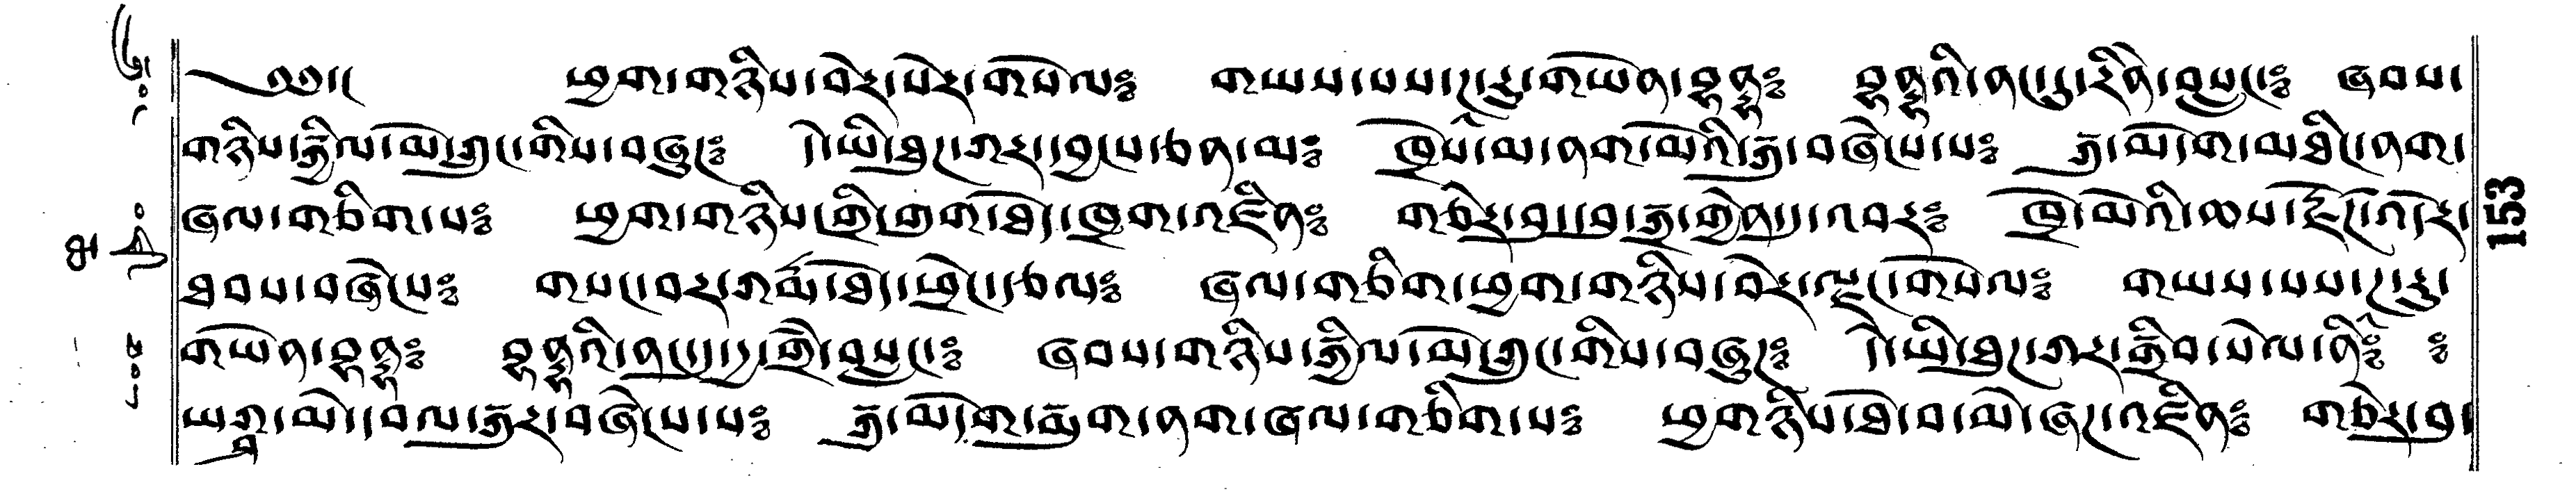ཕྱག་གཉིས་བེར་སེར་གསོལ༔ གཡས་པས་ཌཱ་རུ་གཡོན་བྷནྡྷ༔ བྷནྡྷའི་ནང་དུ་རིན་ཆེན་བསླང༔ ཞབས་
གཉིས་སྐྱིལ་མོ་ཀྲུང་གིས་བཞུགས༔ དེ་ཡི་ཐུགས་ཀར་དབྱངས་ཅན་མ༔ ཁྲོས་མ་ནག་མོའི་སྐུར་བཞེངས་པ༔ སྐུ་མདོག་མཐིང་ནག་
ཞལ་གཅིག་པ༔ ཕྱག་གཉིས་གྲི་གུག་ཐོད་ཁྲག་འཛིན༔ གཅེར་བུ་དབུ་སྐྲ་གྱེན་དུ་འབར༔ ཁྲོ་མོའི་ཆས་རྫོགས་དོར་
སྟབས་བཞེངས༔ གསང་བར་ཀརྨ་ཐོད་ཕྲེང་རྩལ༔ ཞལ་གཅིག་ཕྱག་གཉིས་བེར་ལྗང་གསོལ༔ གཡས་པས་ཌཱ་རུ་
གཡོན་བྷནྡྷ༔ བྷནྡྷའི་ནང་དུ་རྒྱ་གྲམ་བསླང༔ ཞབས་གཉིས་སྐྱིལ་མོ་ཀྲུང་གིས་བཞུགས༔ དེ་ཡི་ཐུགས་ཀར་སྒྲིབ་སེལ་ནི༔
ཡཀྴ་མེ་དབལ་སྐུར་བཞེངས་པ༔ སྐུ་མདོག་སྨུག་ནག་ཞལ་གཅིག་པ༔ ཕྱག་གཉིས་ཐོ་བ་མེ་ཞགས་འཛིན༔ གཅེར་བུ་